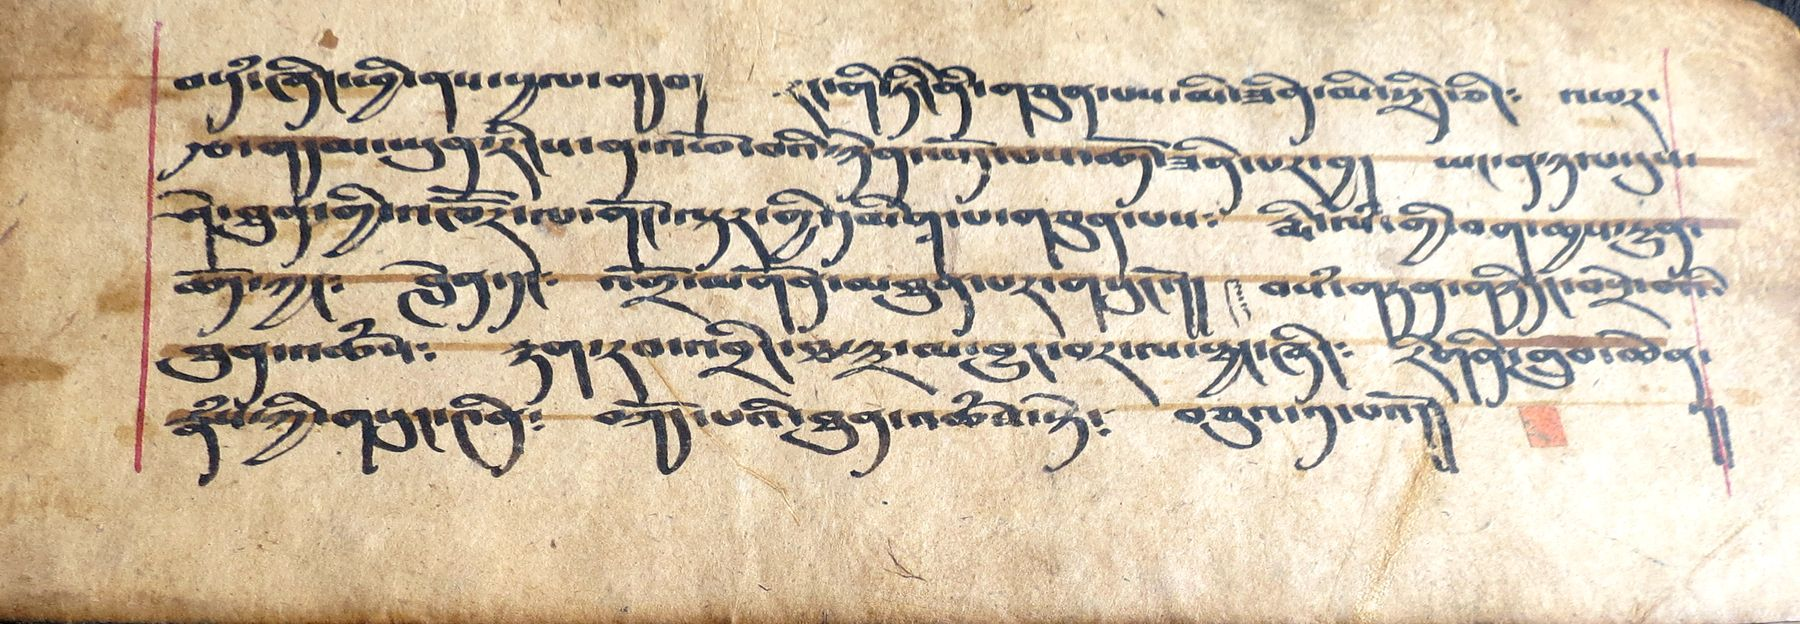བསྡམ་ཅིང་ཕྱི་ནས་གསལ་གདབ། རང་གི་ཏིང་འཛིན་ནི་གཅུན་པས་མི་ཟིན་མི་སྲིད་ཅིང་། འཕར་
རྩ་བསྡམ་ཡུན་རིང་ན་རིག་པ་འཕོ་བའི་ཉེན་ཡོད་པས་ཚོད་ཟིན་པར་བྱ། ཡང་ན་ཉལ་དུས་
ཤེ་ཐུན་གྱི་འཁོར་ལོ་ལ་གོང་ལྟར་གྱི་དམིགས་པ་གཅུན་པས་རྨི་ལམ་གྱི་བག་ཆགས་རྒྱུན་
ཆད་པ། བླ་ཆེན་དང་འགྲོ་མགོན་མཐུན་པར་གསུངས་སོ། ། བསམ་གཏན་གཉིད་དང་བསྲེས་པའི་
ཐུན་མཚམས་པའི་རྟགས་རབ་འབྲིང་ཐ་མ་གསུམ་མ་བྱུང་བར་ལ་སྦྱང་ཞིང་རིག་འཛིན་གྲུབ་ཆེན་
རྣམས་ཀྱི་གསུང་བཞིན་བཀོད་པ་སྟེ་བཅུ་གཅིག་པའོ། །